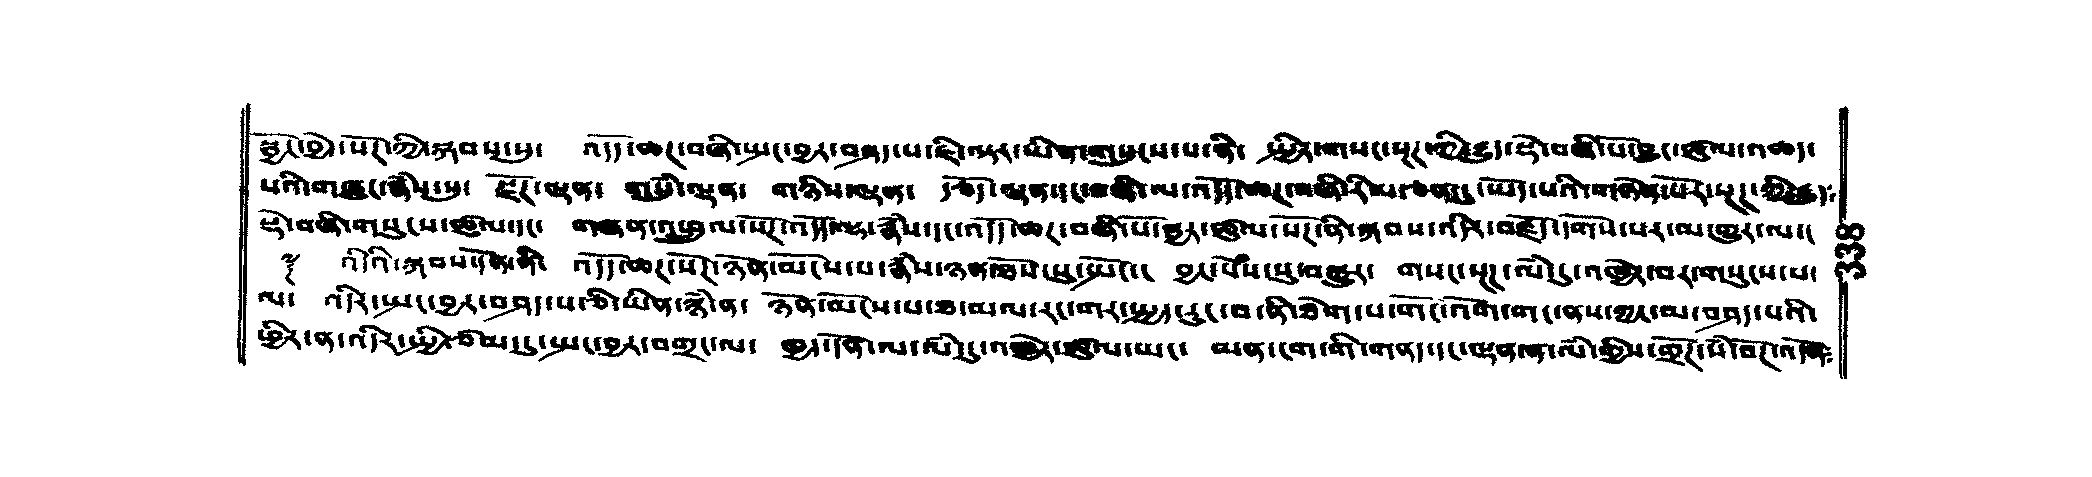སྦྱོང་བྱེད་སོགས་ཀྱི་སྐབས་སུ། འདོད་ཆགས་བཞི་སྤང་བྱར་བཤད་པ་ཇི་ལྟར་ཡིན་གསུངས་པ་ནི། སྤྱིར་གསང་སྔགས་ཀྱི་རྒྱུད་སྡེ་བཞི་པོ་བྱུང་ཚུལ་འཆད་
པའི་གཞུང་རྣམས་སུ། རྫོགས་ལྡན། གསུམ་ལྡན། གཉིས་ལྡན། རྩོད་ལྡན་དང་བཞི་ལ་འདོད་ཆགས་བཞི་རིམ་ཅན་དུ་ཡོད་པའི་གཉེན་པོར་སྔགས་ཀྱི་རྒྱུད་
སྡེ་བཞི་གསུངས་ཚུལ་དང་། གཞན་འཕྲུལ་སོགས་འདོད་ལྷ་རྣམས་དང་འདོད་ཆགས་བཞི་པོ་སྦྱར་ཚུལ་སོགས་ནི་སྐབས་འདིར་བརྗོད་དགོས་པར་མ་གྱུར་ལ། 
འདིའི་སྐབས་དོན་ནི། འདོད་ཆགས་སོགས་ཉོན་མོངས་པ་རྣམས་ཉན་ཐོས་སུ་སྤོང་། བྱང་སེམས་སུ་བསྒྱུར། གསང་སྔགས་ལམ་དུ་འཁྱེར་བར་གསུངས་པ་
ལ། འདིར་སྤང་བྱར་བཤད་པ་ཅི་ཡིན་སྙམ་ན། ཉོན་མོངས་པ་ཐ་མལ་རང་གར་སྤྱད་རུང་བ་ནི་ཐེག་པ་གོང་འོག་གང་ནས་ཀྱང་མ་བཤད་པའི་
ཕྱིར་ན་འདིར་སྤྱི་ཙམ་དུ་སྤང་བྱར་བགྲང་ལ། ཁྱད་དོན་ལ་ལམ་དུ་འཁྱེར་ཚུལ་ཡང་། མན་ངག་གི་གནད་དང་ལྡན་ན་ལམ་གྱིས་གྲོགས་སམ་བོགས་འདོན་